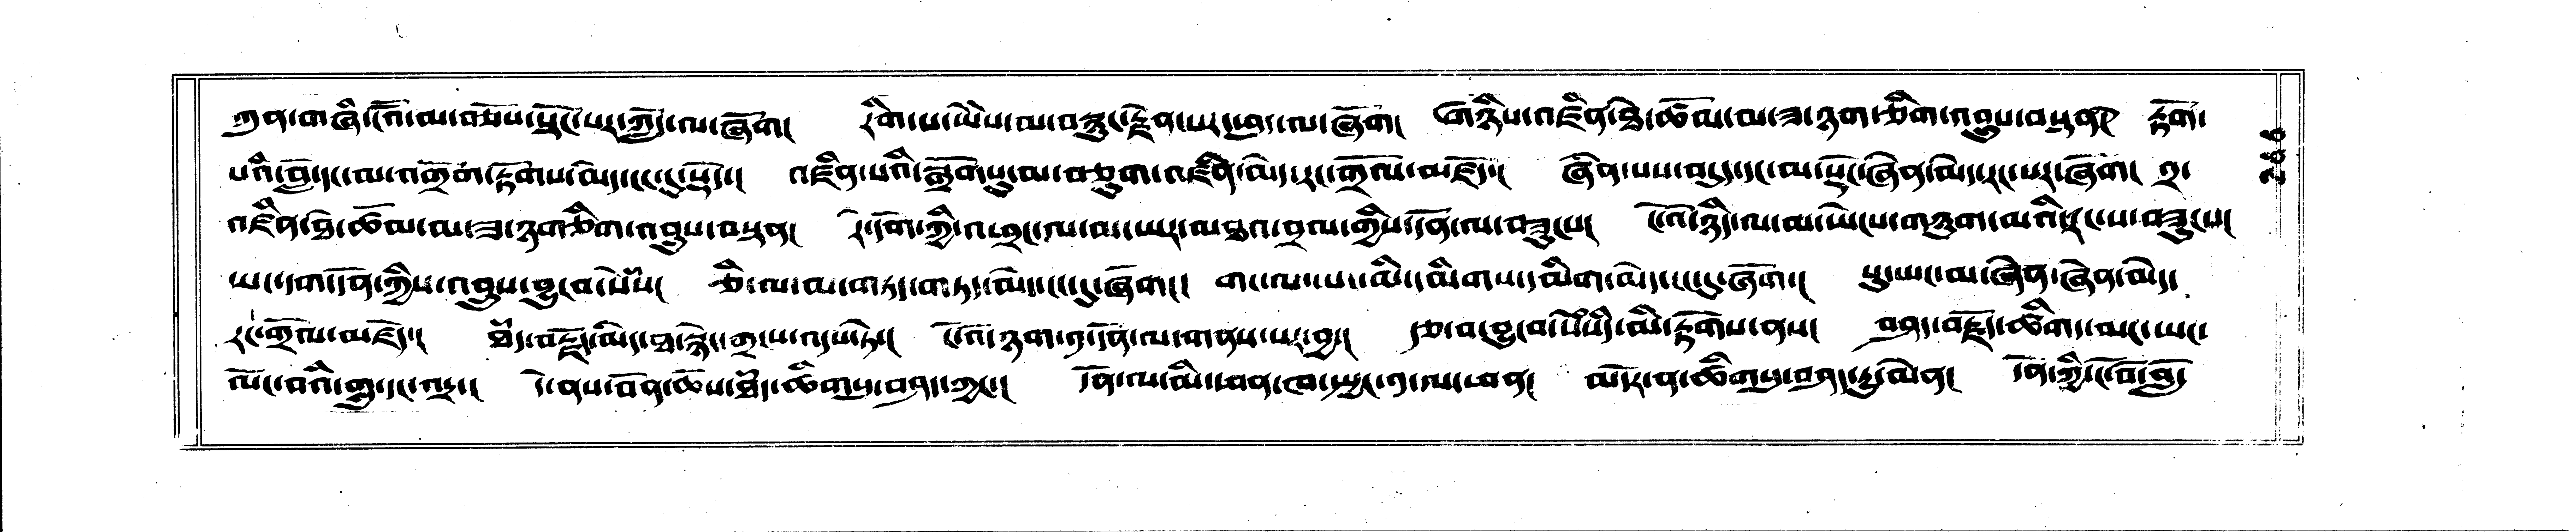ཀུན་གཞིའི་ངོའོ་མ་བཅོས་སྟོང་པར་ཀློད་ལ་ཞོག རིག་པའི་ཡེ་ཤེས་མ་རྐུང་’བསྐུང’རྗེན་པར་ཕུད་ལ་ཞོག རྟོག་
པའི་བློ་དང་མ་འགྲོག་རྟོག་མེད་གཅིག་དུ་སྡོད། འཛིན་པའི་སྒྲོག་དུ་མ་བཅུག་འཛིན་མེད་རང་གྲོལ་མཛོད། ཞེན་པའི་བདུད་དང་མ་བསྡོང་ཞེན་མེད་རང་སར་ཞོག གཉིས་
འཛིན་གྱིས་ཐེ་ཚོམ་མ་ཟ་ཉག་གཅིག་འབྲས་བུ་བསྟན། རེ་དོག་ཀྱིས་འཕྲང་ལ་མ་ཡར་༼ཡལ༽མཐའ་བྲལ་གྱི་དོན་ལ་ཟུངས། ངོའོ་ཉིད་ལ་མ་ཡེངས་གཉུག་མ་རང་ས་ཟུང་། 
ཡང་དག་དོན་གྱིས་འབྲས་བུ་བྱང་ཆུབ་སེམས། ཅི་ལ་ཡང་མ་གཏད་གཏད་མེད་ངང་དུ་ཞོག གང་ལ་ཡང་མ་ཡེང་མི་ཡེང་དམིགས་མེད་ངང་ལ་ཞོག སུ་ལའང་མ་ཞེན་ཞེན་མེད་
རང་གྲོལ་མཛོད། ཐམས་ཅད་བརྗོད་མེད་ཐ་སྙད་གྲངས་འདས་ཏེ། ངོའོ་ཉག་གཅིག་དོན་ལ་གནས་པར་བྱ། རྩ་བ་བྱང་ཆུབ་སེམས་ཉིད་མ་རྟོགས་ན། བཤད་བརྗོད་ཚིག་མང་ཡང་། 
 དེ་ནས་བོན་ཆོས་ཐམས་ཅད་ཚིགས་སུ་བཤད་ཀྱང་དོན་ལ་མི་གནས་ཁ་སྤྱང་ཅི་ལ་ཕན། མདོར་ན་ཚིགས་སུ་བཤད་རྒྱུ་མ་ཡིན་དོན་ལ་བཞག་རྒྱུ་ཡིན། དོན་གྱིས་ངོའོ་བློ་